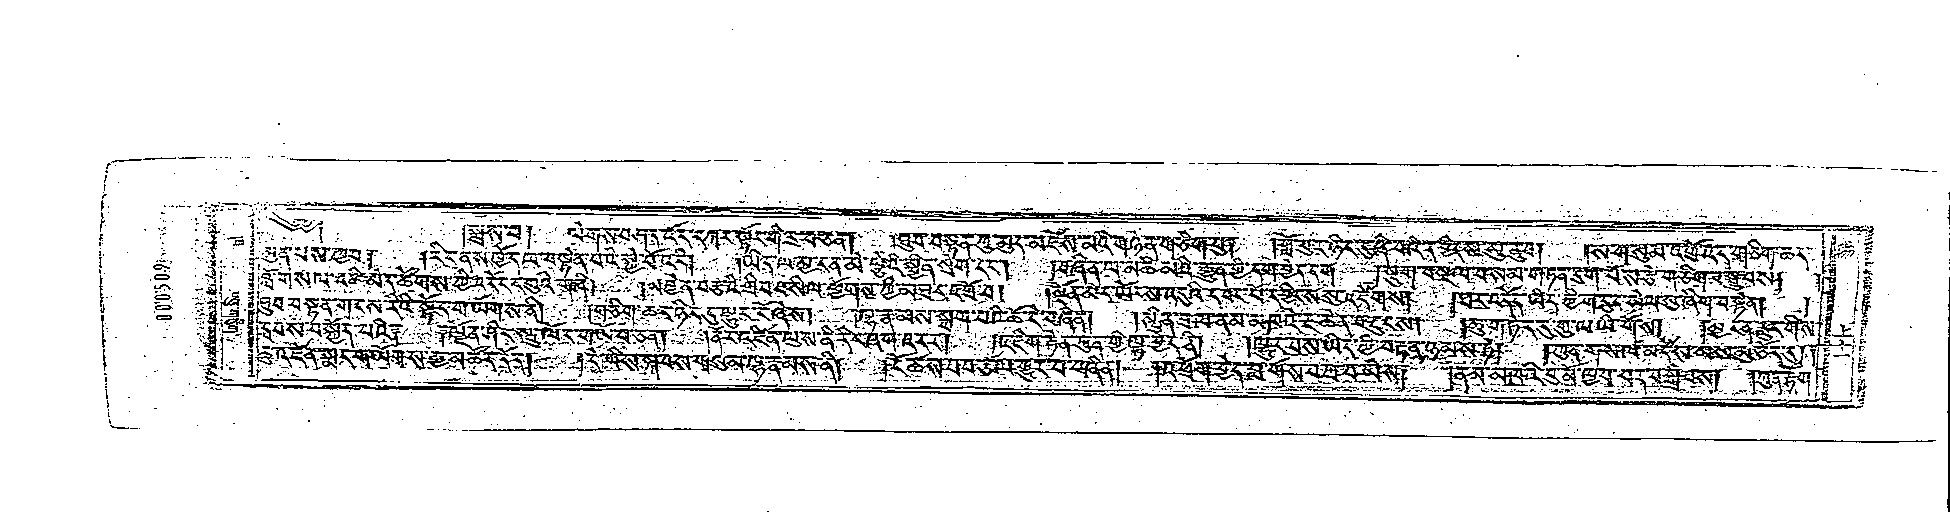༄༅། །སྨྲས་པ། ལེགས་བཤད་འོད་དཀར་སྟོང་གི་དྲ་བ་ཅན། །ཐུབ་བསྟན་ཀུ་མུད་མཛེས་མའི་གཉེན་གཅིག་པུ། །གློ་བུར་ཉིད་དུ་ཞི་བའི་དབྱིངས་སུ་ནུབ། །ས་གསུམ་འགྲོ་འདི་གཅིག་ཆར་
མུན་པས་ཁྱབ། །རིང་ནས་ཁྱོད་ལ་བསྟེན་པའི་སྐྱེ་བོ་འདི། །ཡིད་ལ་མྱ་ངན་མེ་ལྕེའི་སྦྱིན་སྲེག་དང་། །བཞིན་ལ་མཆི་མའི་རྒྱུན་གྱི་དག་བྱེད་དག །སྡུག་བསྔལ་བསམ་གཏན་དྲག་པོས་རྩེ་གཅིག་བསྒྲུབས། །
བློ་གསལ་འཆི་མེད་ཚོགས་ཀྱི་འདོད་དགུའི་གཞི། །མཁྱེན་བརྩེའི་གྲིབ་བསིལ་ཕྱོགས་ཀྱི་མཐར་འགྲོ་བ། །སྔོན་མེད་ཡོངས་འདུའི་དབང་པོ་དབྱིངས་སུ་འཛེགས། །ཐར་འདོད་ཡིད་ཀྱི་གདུང་སེལ་སུ་ཞིག་བསྟེན། །
ཐུབ་བསྟན་གང་རིའི་སྟོད་གཡོགས་ནི། །གཅིག་ཆར་ཉིད་དུ་ལྷུང་ངོ་ཞེས། །ལྷ་རྣམས་སྐྲག་པའི་ཆོ་ངེ་བཞིན། །སྤྲིན་བྲལ་ནམ་མཁའི་རྔ་ཆེན་བ་རྡུངས། །ཆུ་གཏེར་དུ་གུ་ལ་ཡི་གོས། །མྱ་ངན་རླུང་གིས་
རླབས་བསྐྱོད་པའི༑ ༑ལྗོན་ཤིང་སྤུ་ལོང་གཡོ་བ་ཅན། །ནོར་འཛིན་ལུས་ནི་རིང་ཞག་འདར། །འཇིག་རྟེན་ཀུན་གྱི་ལྟ་བྱང་ནི། །ལྷུང་བས་ཡིད་ཀྱི་བརྟན་ཉམས་ཏེ། །ཀུན་གསལ་མཛེས་མས་མུ་ཅོར་དུ། །
ཆུ་འཛིན་སྨད་གཡོགས་རྒྱ་མཚོར་དོར། །དེ་ཡིས་སྐབས་གསུམ་ལྷ་རྣམས་ནི། །ངོ་ཚས་བབ་ཅོལ་གྱུར་བ་བཞིན། །འཕྲོག་བྱེད་བླ་གོས་བཀྲ་བ་ཡིས། །ནམ་མཁའི་བུ་མོ་ཁྱབ་པར་བསྒྲིབས། །ཀུན་རྟོག་